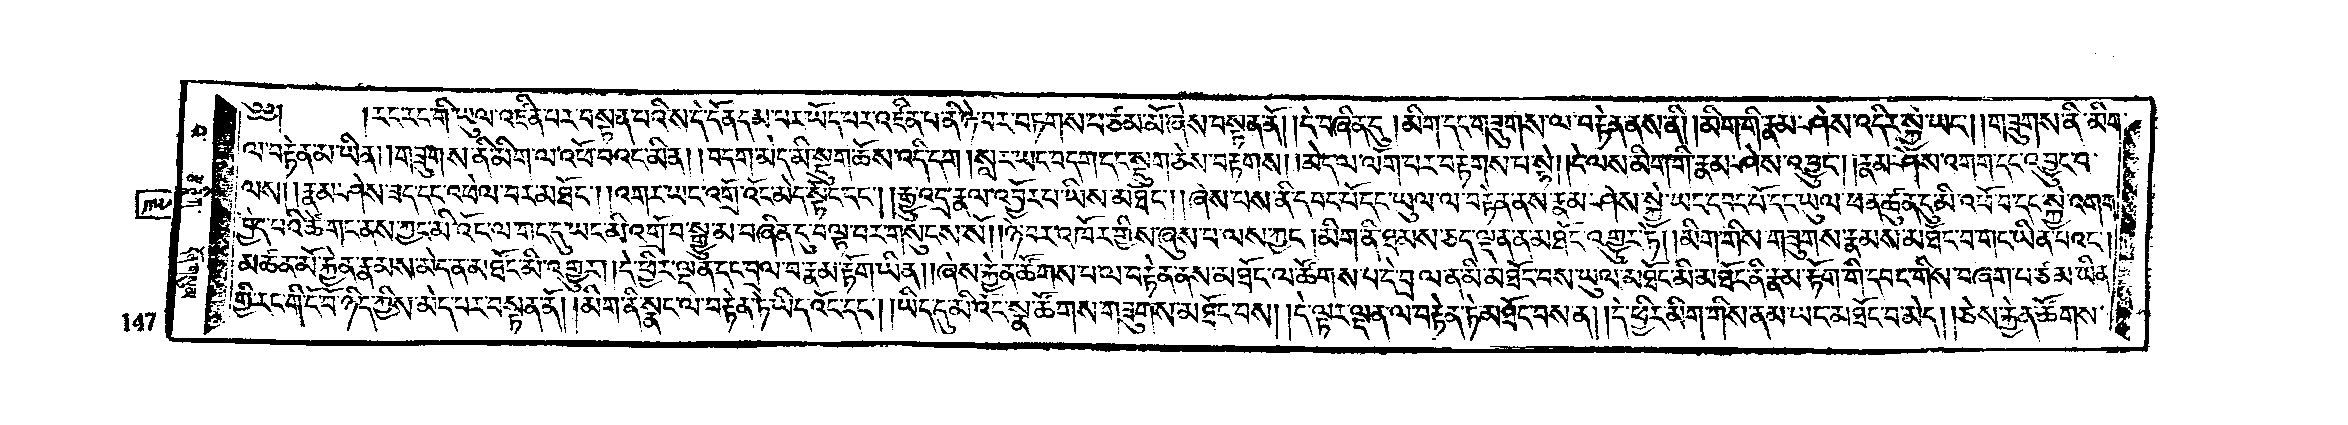༄༅། །རང་རང་གི་ཡུལ་འཛིན་པར་བསྟན་པའི་ས་དེ་དོན་དམ་པར་ཡོད་པར་འཛིན་པ་ནི་ཉེ་བར་བཏགས་པ་ཙམ་མོ་ཞེས་བསྟན་ནོ། །དེ་བཞིན་དུ། མིག་དང་གཟུགས་ལ་བརྟེན་ནས་ནི། །མིག་གི་རྣམ་ཤེས་འདིར་སྐྱེ་ཡང་། །གཟུགས་ནི་མིག་
ལ་བརྟེན་མ་ཡིན། །གཟུགས་ནི་མིག་ལ་འཕོ་བའང་མིན། །བདག་མེད་མི་སྡུག་ཆོས་འདི་དག །སླར་ཡང་བདག་དང་སྡུག་ཅེས་བརྟགས། །མེད་ལ་ལོག་པར་བརྟགས་པ་སྟེ། །དེ་ལས་མིག་གི་རྣམ་ཤེས་འབྱུང་། །རྣམ་ཤེས་འགག་དང་འབྱུང་བ་
ལས། །རྣམ་ཤེས་ཟད་དང་འཕེལ་བར་མཐོང་། །འགར་ཡང་འགྲོ་འོང་མེད་སྟོང་དང་། །རྒྱུ་འདྲ་རྣལ་འབྱོར་པ་ཡིས་མཐོང་། །ཞེས་པས་ནི་དབང་པོ་དང་ཡུལ་ལ་བརྟེན་ནས་རྣམ་ཤེས་སྐྱེ་ཡང་དབང་པོ་དང་ཡུལ་ཕན་ཚུན་དུ་མི་འཕོ་བ་དང་སྐྱེ་འགག་
བྱེད་པའི་ཚེ་གང་ནས་ཀྱང་མི་འོང་ལ་གང་དུ་ཡང་མི་འགྲོ་བ་སྒྱུ་མ་བཞིན་དུ་བལྟ་བར་གསུངས་སོ། །ཉེ་བར་འཁོར་གྱིས་ཞུས་པ་ལས་ཀྱང་། མིག་ནི་ཐམས་ཅད་ལྡན་ན་མཐོང་འགྱུར་ཏེ། །མིག་གིས་གཟུགས་རྣམས་མཐོང་བ་གང་ཡིན་པའང་།
མཚན་མོ་རྐྱེན་རྣམས་མེད་ན་མཐོང་མི་འགྱུར། །དེ་ཕྱིར་ལྡན་དང་བྲལ་བ་རྣམ་རྟོག་ཡིན། །ཞེས་རྐྱེན་ཚོགས་པ་ལ་བརྟེན་ནས་མཐོང་ལ་ཚོགས་པ་དེ་བྲལ་ན་མི་མཐོང་བས་ཡུལ་མཐོང་མི་མཐོང་ནི་རྣམ་རྟོག་གི་དབང་གིས་བཞག་པ་ཙམ་ཡིན་
གྱི་རང་གི་ངོ་བོ་ཉིད་ཀྱིས་མེད་པར་བསྟན་ནོ། །མིག་ནི་སྣང་ལ་བརྟེན་ཏེ་ཡིད་འོང་དང་། །ཡིད་དུ་མི་འོང་སྣ་ཚོགས་གཟུགས་མཐོང་བས། །དེ་ལྟར་ལྡན་ལ་བརྟེན་ཏེ་མཐོང་བས་ན། །དེ་ཕྱིར་མིག་གིས་ནམ་ཡང་མཐོང་བ་མེད། །ཅེས་རྐྱེན་ཚོགས་